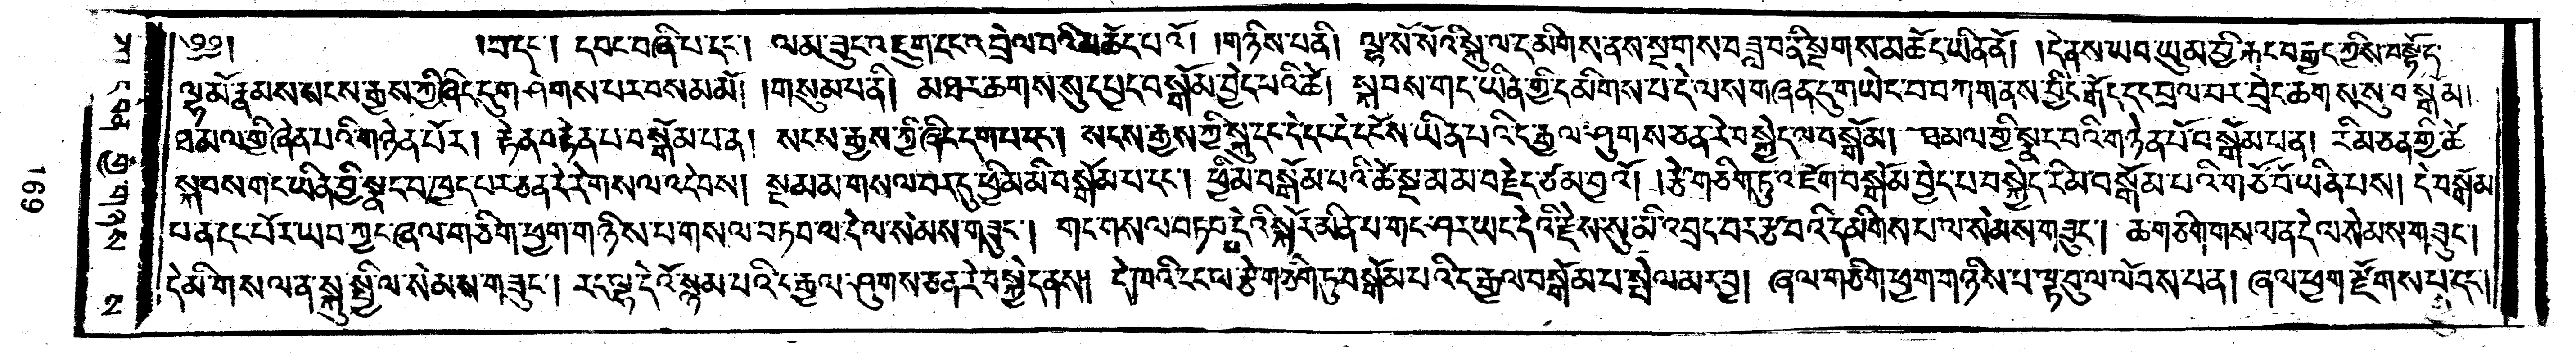༄༅། །པ་དང་། དབང་བཞི་པ་དང་། ལམ་ཟུང་འཇུག་དང་འབྲེལ་བའི་མཆོད་པའོ། །གཉིས་པ་ནི། ལྷ་སོ་སོའི་སྐུ་ལ་དམིགས་ནས་སྔགས་བཟླ་བ་ནི་སྔགས་མཆོད་ཡིན་ནོ། །དེ་ནས་ཡབ་ཡུམ་བྱི་རྐང་བརྒྱད་ཀྱིས་བསྟོད་
ལྷ་མོ་རྣམས་སངས་རྒྱས་ཀྱི་ཞིང་དུ་གཤེགས་པར་བསམ་མོ། །གསུམ་པ་ནི། མཐར་ཆགས་སུ་དཔྱད་བསྒོམ་བྱེད་པའི་ཚེ། སྐབས་གང་ཡིན་གྱི་དམིགས་པ་དེ་ལས་གཞན་དུ་གཡེང་བ་བཀག་ནས་བྱིང་རྒོད་དང་བྲལ་བར་བྲེང་ཆགས་སུ་བསྒོམ།
ཐ་མལ་གྱི་ཞེན་པའི་གཉེན་པོར། རྟེན་བརྟེན་པ་བསྒོམ་པ་ན། སངས་རྒྱས་ཀྱི་ཞིང་དག་པ་དང་། སངས་རྒྱས་ཀྱི་སྐུ་དང་དེ་དང་དེ་དངོས་ཡིན་པའི་ང་རྒྱལ་ཤུགས་ཅན་རེ་བསྐྱེད་ལ་བསྒོམ། ཐམ་ལ་གྱི་སྣང་བའི་གཉེན་པོ་བསྒོམ་པ་ན། རིམ་ཅན་གྱི་ཚེ་
སྐབས་གང་ཡིན་བྱི་སྣང་བ་ཁྱད་པར་ཅན་རེ་རེ་གསལ་འདེབས། སྔམ་མ་གསལ་བར་དུ་ཕྱི་མ་མི་བསྒོམ་པ་དང་། ཕྱི་མ་བསྒོམ་པའི་ཚེ་སྔ་མ་མ་བརྗེད་ཙམ་བྱའོ། །རྩེ་གཅིག་ཏུ་འཇོག་བསྒོམ་བྱེད་པ་བསྐྱེད་རིམ་བསྒོམ་པའི་གཙོ་བོ་ཡིན་པས། དེ་བསྒོམ་
པ་ན་དང་པོར་ཡབ་ཀྱང་ཞལ་གཅིག་ཕྱག་གཉིས་པ་གསལ་བཏབ་ལ་དེ་ལ་སེམས་གཟུང་། གང་གསལ་བཏབ་པ་དེའི་སྐོར་མིན་པ་གང་ཤར་ཡང་དེའི་རྗེས་སུ་མི་འབྲང་བར་རྩ་བའི་དམིགས་པ་ལ་སེམས་གཟུང་། ཆ་གཅིག་གསལ་ན་དེལ་སེམས་གཟུང་།
དེ་མི་གསལ་ན་སྐུ་སྤྱི་ལ་སེམས་གཟུང་། རང་ལྷ་དེའོ་སྙམ་པའི་ང་རྒྱལ་ཤུགས་ཅན་རེ་བསྐྱེད་ནས། དེ་ཁའི་དང་ལ་རྩེ་གཅིག་ཏུ་བསྒོམ་པའི་ང་རྒྱལ་བསྒོམ་པ་སྤེལ་མར་བྱ། ཞལ་གཅིག་ཕྱག་གཉིས་པ་ལྟ་བུ་ལ་ལོ་བས་པ་ན། ཞལ་ཕྱག་རྫོགས་པ་དང་།